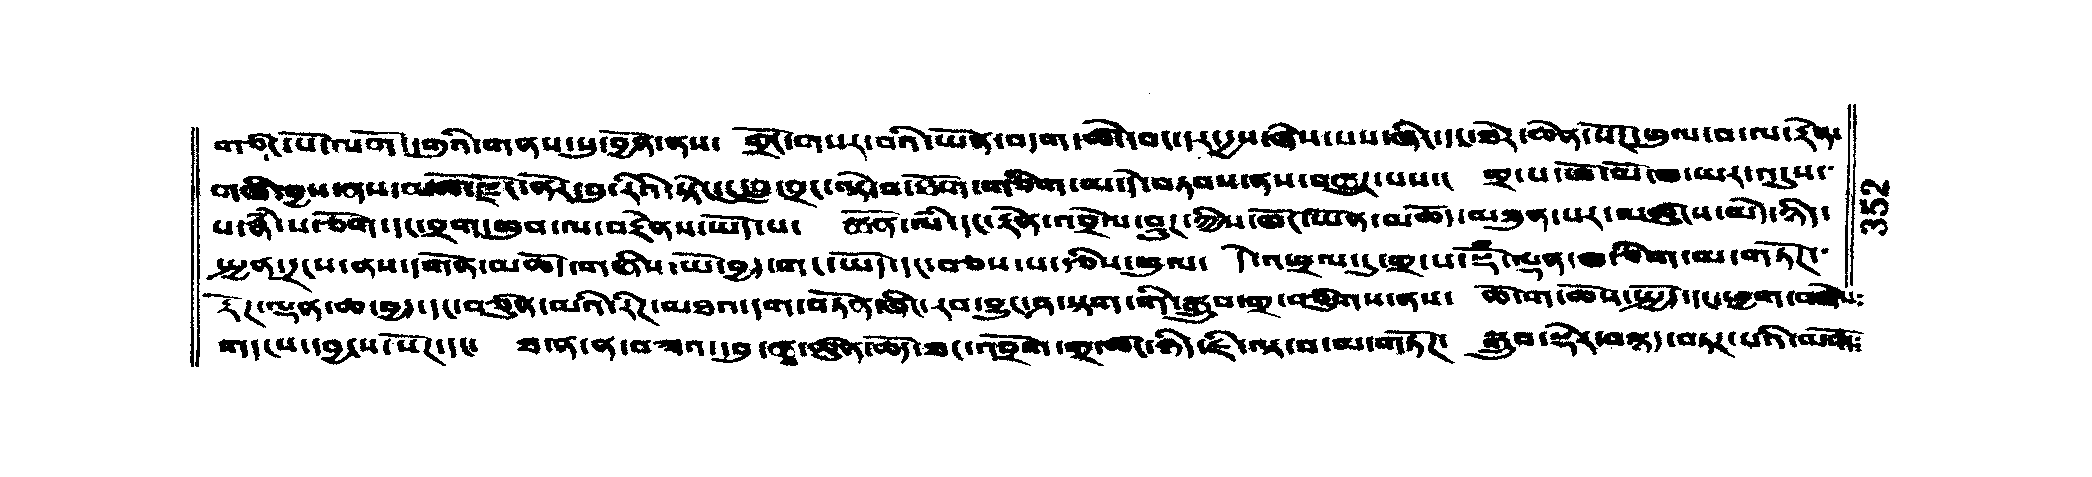གཙང་པོ་མགོ་དགུའི་གནས་སུ་བྱོན་ནས། གྲོང་གསར་བའི་ཡོན་བདག་ཚེ་དབང་དར་རྒྱས་ཞེས་པས་ཞིང་དང་ཐེར་ཆེན་སོགས་ཕུལ་བ་ལ་རྟེན་
གཞི་བྱས་ནས་མཚོ་རྫོང་ནོར་བུ་རིའི་སྟེང་དུ་བླ་བྲང་ལྟེ་བ་ཐོག་གཅིག་མ་དེ་བཏབ་ནས་བཞུགས་པས། གྲྭ་པ་ཕོ་མོ་ཁ་ཡར་འདུས་
པ་རྣམས་ཅོག་བུ་དང་བྲག་ཕུག་ལ་བརྟེན་ས་ཡོད་པ། སྨོན་ལམ་དང་རྟེན་འབྲེལ་ཤུགས་ཀྱིས་ཁོང་ཡོན་མཆོད་མཐུན་པར་མཚུངས་མེད་ཉིད་
སྤྱན་དྲངས་ནས་དགོན་མཆོད་གཞིས་ཡོ་བྱད་གང་ཡོད་དང་བཅས་པ་རྩིས་ཕུལ། དེ་འཕྲལ་དུ་གྲྭ་པ་སྡོམ་ལྡན་ཁ་ཅིག་མ་གཏོགས་
རྟོགས་ལྡན་ཆ་བྱད་དང་བཙུན་མའི་རིགས་མཐའ་དག་བཏོན་ཞིང་རབ་བྱུང་ཤ་སྟག་གི་སྒྲུབ་གྲྭ་བཙུགས་ནས། ཆོ་ག་ཆོས་སྤྱོད་དང་ཕྱག་བཞེས་
གདངས་དབྱངས་སོགས་དང་། ཐ་ན་ན་བཟའ་དབུ་ཞྭ་ཚུན་ཆོད་ཐང་འབྲོག་གྲྭ་ཚང་ཉིད་ཇི་ལྟ་བ་མ་གཏོགས། སྒྲུབ་སྡེར་བསྙད་བཏགས་པའི་མགོ་